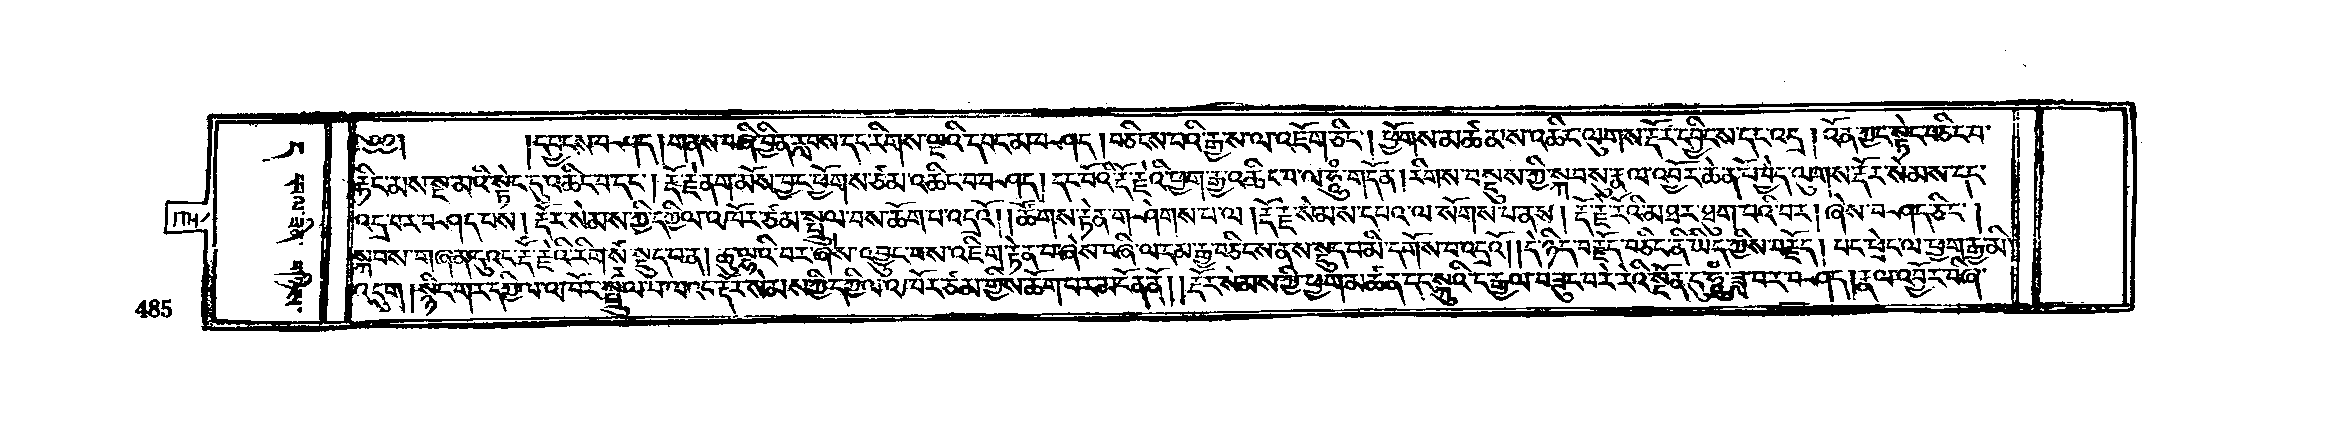༄༅། །དབྱངས་བཤད། གནས་བཞི་བྱིན་རླབས་དང་རིགས་ལྔའི་དབང་མ་བཤད། བཅིངས་པའི་རྒྱ་ས་ལ་འཇོག་ཅིང་། ཕྱོགས་མཚམས་འཆིང་ལུགས་རྡོར་དབྱིངས་དང་འདྲ། འོན་ཀྱང་སྟེང་བཅིང་བ་
རྟིང་མས་སྔ་མའི་སྟེང་དུ་འཆིང་བ་དང་། རྡོ་རྗེ་ནག་མོས་བྱང་ཕྱོགས་ཙམ་འཆིང་བ་བཤད། དང་པོའི་རྡོ་རྗེའི་ཕྱག་རྒྱ་འཆིང་བ་ལ་ཧཱུཾ་གདོན། རིགས་བསྡུས་ཀྱི་སྐབས་སུ་རྣལ་འབྱོར་ཆེན་པོ་བྱེད་ལུགས་རྡོར་སེམས་དང་
འདྲ་བར་བཤད་པས། རྡོར་སེམས་ཀྱི་དཀྱིལ་འཁོར་ཙམ་སྤྲུལ་བས་ཆོག་པ་འདྲའོ། །ཚོགས་རྟེན་གཤེགས་པ་ལ། རྡོ་རྗེ་སེམས་དཔའ་ལ་སོགས་པ་ནས། རྡོ་རྗེ་རོའི་མཐར་ཐུག་པའི་བར། ཞེས་བཤད་ཅིང་།
སྐབས་གཞན་དུའང་རྡོ་རྗེའི་རིག་སྜོ་སྡུད་པ་ན། ཆུ་ལྷའི་བར་ཞེས་འབྱུང་བས་འཇིག་རྟེན་པ་ཞེས་བཞི་ལ་དམ་རྒྱ་བཅིངས་ནས་སྡུད་པ་མི་དགོས་པ་འདྲའོ། །དེ་ཉིད་བརྗོད་བཅིང་ནི་ཡིད་ཀྱིས་བརྗོད། པང་ཕྲེང་ལ་ཕྱག་རྒྱ་མི་
འདུག །སྙིང་གར་དཀྱིལ་འཁོར་སྤྲུལ་པ་ལའང་རྡོར་སེམས་ཀྱི་དཀྱིལ་འཁོར་ཙམ་གྱིས་ཆོག་པར་མངོན་ནོ། །རྡོར་སེམས་ཀྱི་ཕྱག་མཚན་དང་སྐུའི་ང་རྒྱལ་བཟུང་བ་རེ་རེའི་སྔོན་དུ་ཧཱུཾ་ཟླ་བར་བཤད། རྣལ་འབྱོར་བཞི་